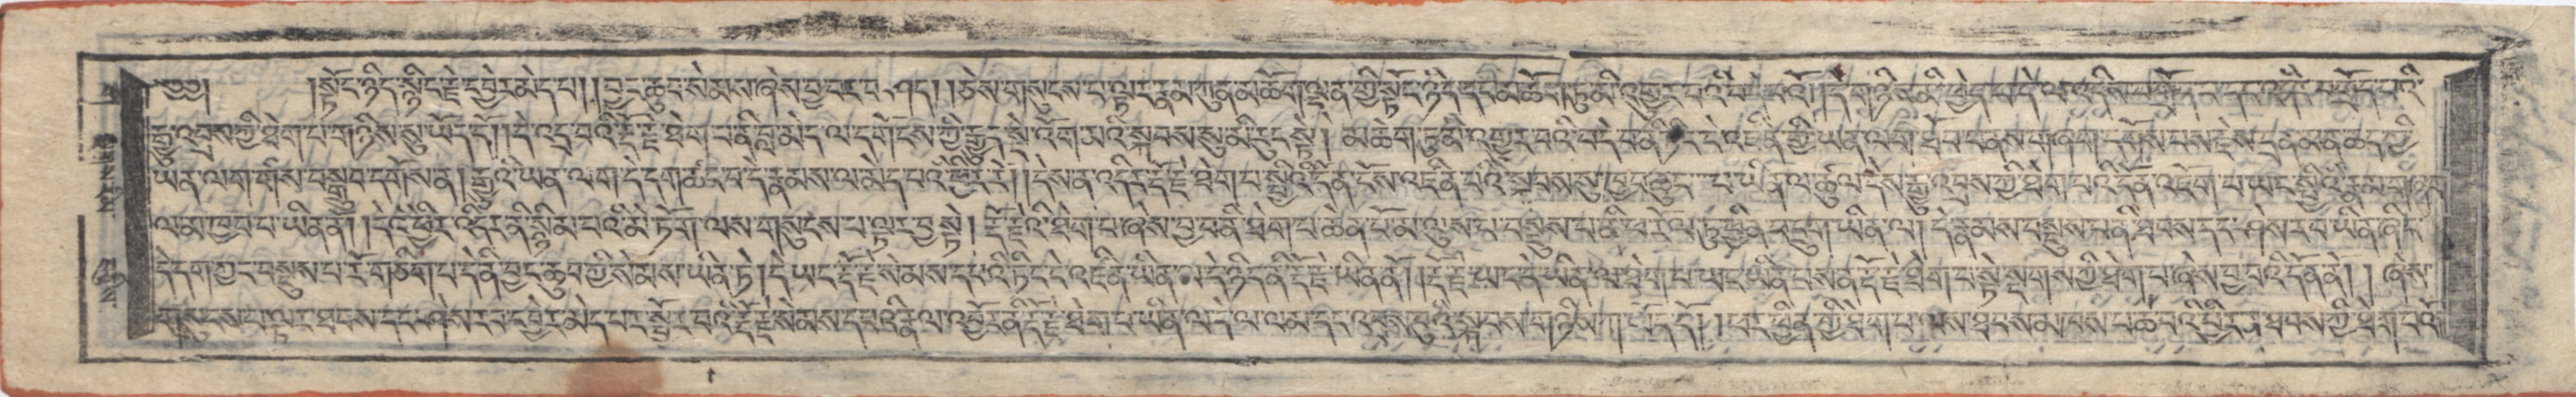༄༅། །སྟོང་ཉིད་སྙིང་རྗེ་དབྱེར་མེད་པ། །བྱང་ཆུབ་སེམས་ཞེས་བྱ་བར་བཤད། །ཅེས་གསུངས་པ་ལྟར་རྣམ་ཀུན་མཆོག་ལྡན་གྱི་སྟོང་ཉིད་དང་མཆོག་ཏུ་མི་འགྱུར་བའི་བདེ་བའོ། །དེ་གཉིས་མི་ཕྱེད་པ་དེ་ལ་འདིས་བགྲོད་པ་དང་འདིར་བགྲོད་པའི་
རྒྱུ་འབྲས་ཀྱི་ཐེག་པ་གཉིས་སུ་ཡོད་དོ། །དེ་འདྲ་བའི་རྡོ་རྗེ་ཐེག་པ་ནི་བླ་མེད་ལ་དགོངས་ཀྱི་རྒྱུད་སྡེ་འོག་མའི་སྐབས་སུ་མི་རུང་སྟེ། མཆོག་ཏུ་མི་འགྱུར་བའི་བདེ་བ་ནི་ཏིང་ངེ་འཛིན་གྱི་ཡན་ལག་ཐོབ་པ་ནས་གཞག་དགོས་པས་རྗེས་དྲན་མན་ཆད་ཀྱི་
ཡན་ལག་གིས་བསྒྲུབ་དགོས་ན། རྒྱུའི་ཡན་ལག་དེ་དག་ཚང་བ་དེ་རྣམས་ལ་མེད་པའི་ཕྱིར་རོ། །དེས་ན་འདིར་རྡོ་རྗེ་ཐེག་པ་སྤྱིའི་དོན་ངོས་འཛིན་པའི་སྐབས་སུ་ཁྱབ་ཆུང་བ་ཡིན་ལ་ཚུལ་དེས་རྒྱུ་འབྲས་ཀྱི་ཐེག་པའི་དོན་འཇོག་པ་ཡང་སྤྱིའི་རྣམ་གཞག་
ལ་མ་ཁྱབ་པ་ཡིན་ནོ། །དེའི་ཕྱིར་འདིར་ནི་སྙིམ་པའི་མེ་ཏོག་ལས་གསུངས་པ་ལྟར་བྱ་སྟེ། རྡོ་རྗེའི་ཐེག་པ་ཞེས་བྱ་བ་ནི་ཐེག་པ་ཆེན་པོ་མ་ལུས་པ་བསྡུས་པ་ནི་ཕ་རོལ་ཏུ་ཕྱིན་པ་དྲུག་ཡིན་ལ། དེ་རྣམས་བསྡུས་པ་ནི་ཐབས་དང་ཤེས་རབ་ཡིན་ཞིང་
དེ་དག་ཀྱང་བསྡུས་པ་རོ་གཅིག་པ་དེ་ནི་བྱང་ཆུབ་ཀྱི་སེམས་ཡིན་ཏེ། དེ་ཡང་རྡོ་རྗེ་སེམས་དཔའི་ཏིང་ངེ་འཛིན་ཡིན་ལ་དེ་ཉིད་ནི་རྡོ་རྗེ་ཡིན་ནོ། །རྡོ་རྗེ་ཡང་དེ་ཡིན་ལ་ཐེག་པ་ཡང་ཡིན་པས་ན་རྡོ་རྗེ་ཐེག་པ་སྟེ་སྔགས་ཀྱི་ཐེག་པ་ཞེས་བྱ་བའི་དོན་ནོ། །ཞེས་
གསུངས་པ་ལྟར་ཐབས་དང་ཤེས་རབ་དབྱེར་མེད་པར་སྦྱོར་བའི་རྡོ་རྗེ་སེམས་དཔའི་རྣལ་འབྱོར་ནི་རྡོ་རྗེ་ཐེག་པ་ཡིན་ལ་དེ་ལ་ལམ་དང་འབྲས་བུའི་སྐབས་གཉིས་ཀ་ཡོད་དོ། །ཕར་ཕྱིན་གྱི་ཐེག་པ་ལས་ཐབས་མཁས་པ་ཆེ་བའི་ཕྱིར་ན་ཐབས་ཀྱི་ཐེག་པའོ།